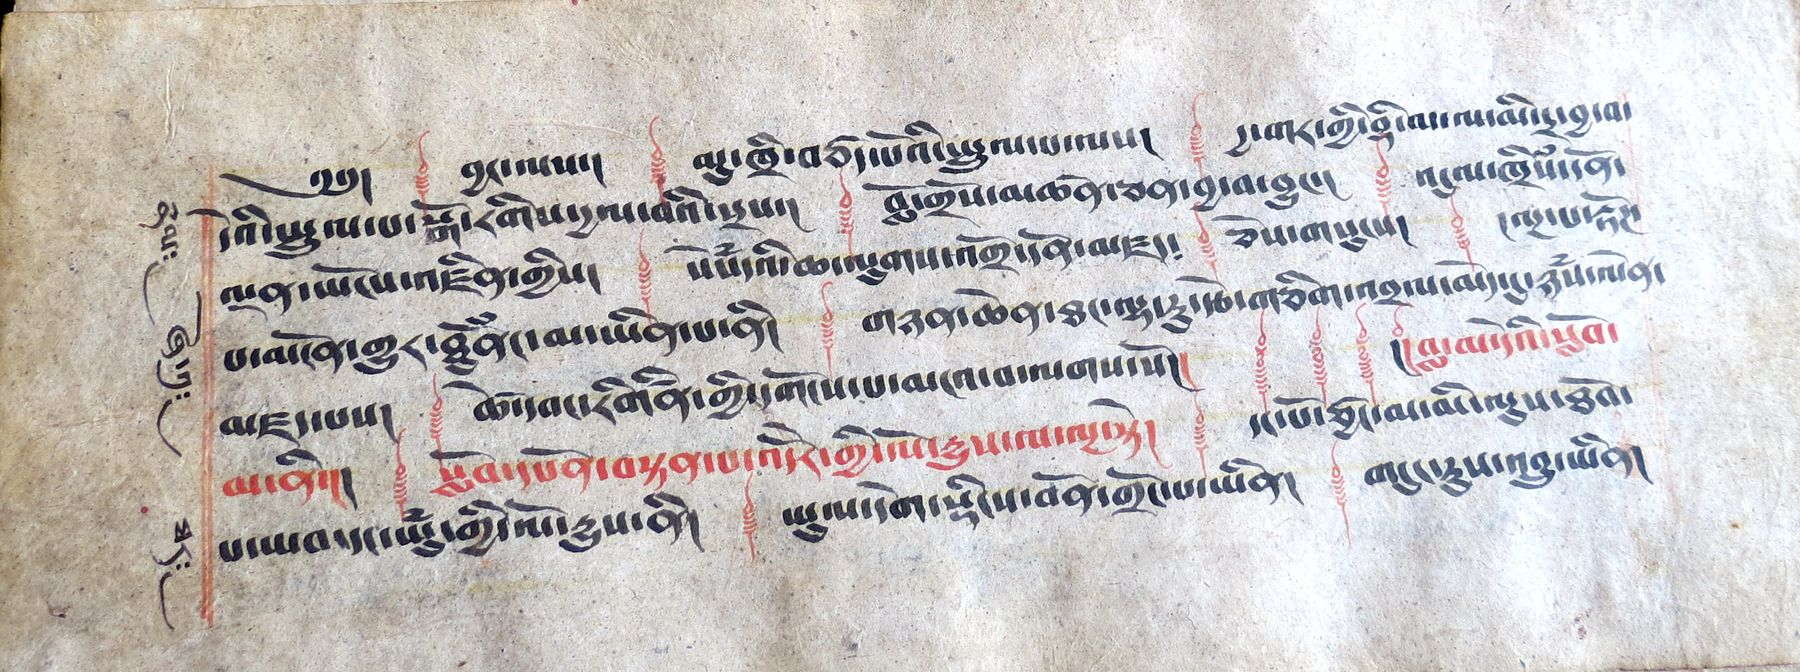བྱང་ལས། མུ་ཁྲི་བཙད་པོའི་སྤྲུལ་པ་ལས། རྒྱ་གར་གྱི་བྷི་མ་ལ་མི་ཏྲ་བྱ་བ། 
དེའི་སྤྲུལ་པ་སྒོ་རིགས་རྒྱལ་བའི་སྲས། བློ་གྲོས་མཚན་ཅན་བྱ་བ་བྱུང་། འདུལ་ཁྲིམས་དོན་
ལྡན་ཡོངས་འཛིན་གྱིས། སེམས་དཔའི་ཆ་ལུགས་འགྲོ་དོན་མཛད། ཅེས་གསུངས། ལྔ་པ་རྟོགས་
པ་མངོན་གྱུར་ཐུན་མོང་མ་ཡིན་པ་ནི། གཉན་ཆེན་ཐང་ལྷ་རུ་རྩེ་གཅིག་འབྲལ་མེད་ཉམས་ལེན་
མཛད་པས། ཚེ་དབང་རིག་འཛིན་གྱི་དགོངས་པ་མངའ་བ་ལགས་སོ། ། བླ་མ་དེའི་སློབ་
མ་ནི། སློབ་དཔོན་བསྟན་པ་འོད་ཟེར་གྱི་ལོ་རྒྱུས་ལ་ལྔ་སྟེ། དང་པོ་གཙང་མ་མི་ལུས་ཐོབ་
པ་དང་ཡབ་དང་ཡུམ་གྱི་ལོ་རྒྱུས་ནི། ཡུལ་དགེ་སྡིངས་བོན་གྲོང་པ་ཡིན། གདུང་རུས་འགྲུ་ཡིན།